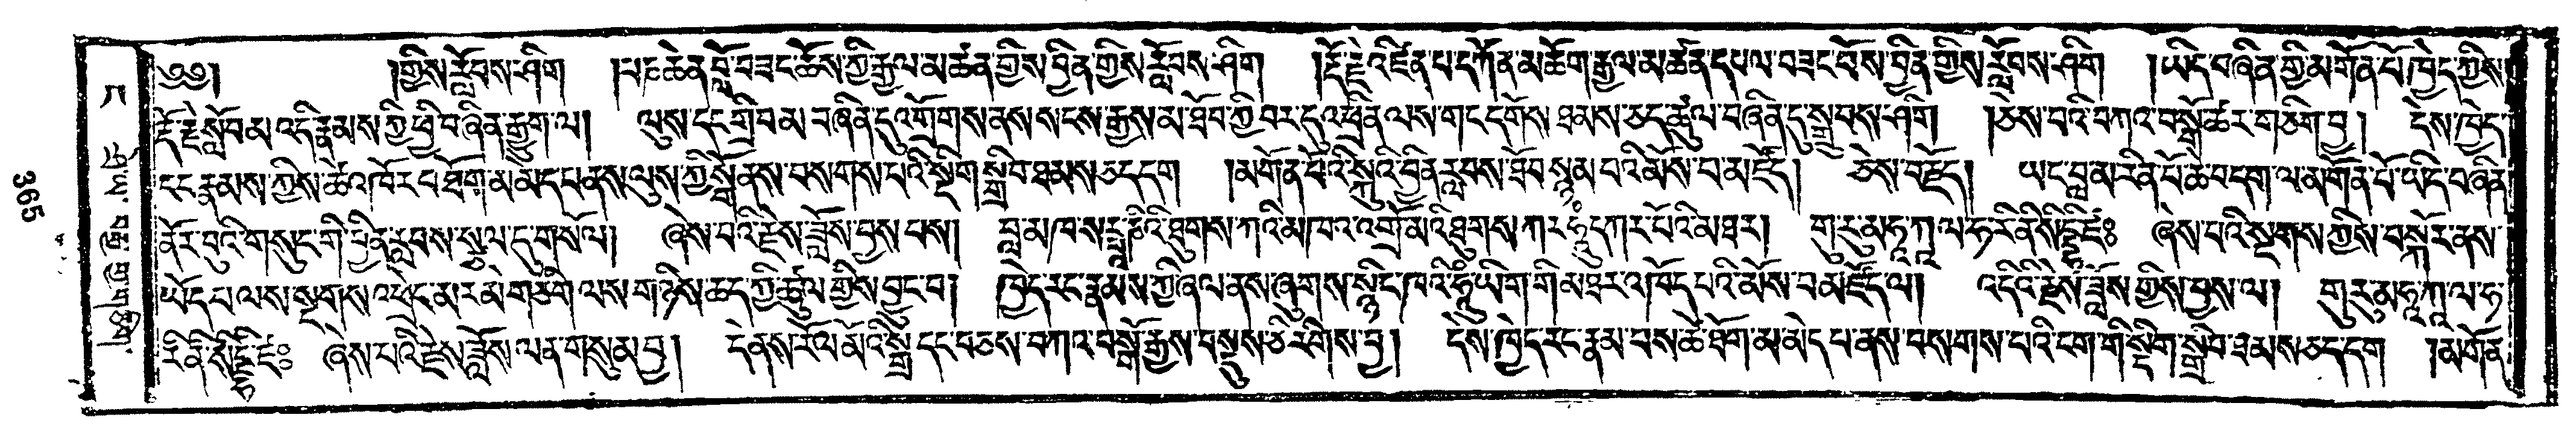༄༅། །གྱིས་རློབས་ཤིག །པཎ་ཆེན་བློ་བཟང་ཆོས་ཀྱི་རྒྱལ་མཚན་གྱིས་བྱིན་གྱིས་རློབས་ཤིག །རྡོ་རྗེ་འཛིན་པ་དཀོན་མཆོག་རྒྱལ་མཚན་དཔལ་བཟང་པོས་བྱིན་གྱིས་རློབས་ཤིག །ཡིད་བཞིན་གྱི་མགོན་པོ་ཁྱེད་ཀྱིས་
རྡོ་རྗེ་སློབ་མ་འདི་རྣམས་ཀྱི་ཕྱི་བཞིན་རྒྱུག་ལ། ལུས་དང་གྲིབ་མ་བཞིན་དུ་འགྲོགས་ནས་སངས་རྒྱས་མཐོབ་ཀྱི་བར་དུ་འཕྲིན་ལས་གང་དོགས་ཐམས་ཅད་ཚུལ་བཞིན་དུ་སྒྲུབ་ཤིག །ཅེས་པའི་བཀའ་བསྒོ་ཚར་གཅིག་བྱ། དེས་ཁྱེད་
དང་རྣམས་ཀྱི་ཚེ་འཁོར་པ་ཐོག་མ་མེད་པ་ནས་ལུས་ཀྱི་སྒོ་ནས་བསགས་པའི་སྡིག་སྒྲིབ་ཐམས་ཅད་དག །མགོན་པོའི་སྐུའི་བྱིན་རླབས་ཐོབ་སྙམ་པའི་མོས་བ་མཛོད། ཅེས་བརྗོད། །ཡང་བླ་མ་རིན་པོ་ཆེ་བདག་ལ་མགོན་པོ་ཡིད་བཞིན་
ནོར་བུའི་གསུང་གི་བྱིན་རླབས་སྩལ་དུ་གསོལ། ཞེས་པའི་རྗེས་ཟློས་བྱས་པས། །བླ་མ་ཁ་སརྤཱ་ཎིའི་ཐུགས་ཀའི་མཁའ་འགྲོ་མའི་ཐུགས་ཀར་ཧཱུཾ་དཀར་པོའི་མཐར། གུ་རུ་མ་ཧཱ་ཀའ་ལ་ཧ་རི་ནི་སིདྡྷི་ཛཿ ཞེས་པའི་སྔགས་ཀྱིས་བསྐོར་ནས་
ཡོད་པ་ལས་སྔགས་འཕྲེང་མར་མེ་གཅིག་ལས་གཉིས་ཆད་ཀྱི་ཚུལ་གྱིས་བྱུང་པ། ཁྱེད་རང་རྣམས་ཀྱི་ཞལ་ནས་ཞུགས་སྙིང་ཁའི་ཧཱུཾ་ཡིག་གི་མཐར་འཁོད་པའི་མོས་བ་མཛོད་ལ། འདིའི་རྗེས་ཟློས་གྱིས་བྱས་ལ། གུ་རུ་མ་ཧཱ་ཀཱ་ལ་ཧ་
རི་ནི་སིདྡྷི་ཛཿ ཞེས་པའི་རྗེས་ཟློས་ལན་གསུམ་བྱ། དེ་ནས་རོལ་མོའི་སྒྲི་དང་བཅས་བཀའ་བསྒོ་རྒྱས་བསྡུས་ཅི་རིགས་བྱ་།དེས་ཁྱེད་རང་རྣམས་བས་ཚེ་ཐོག་མ་མེད་པ་ནས་བསགས་པའི་ངག་གི་སྡིག་སྒྲིབ་ཐམས་ཅད་དག །མགོན་